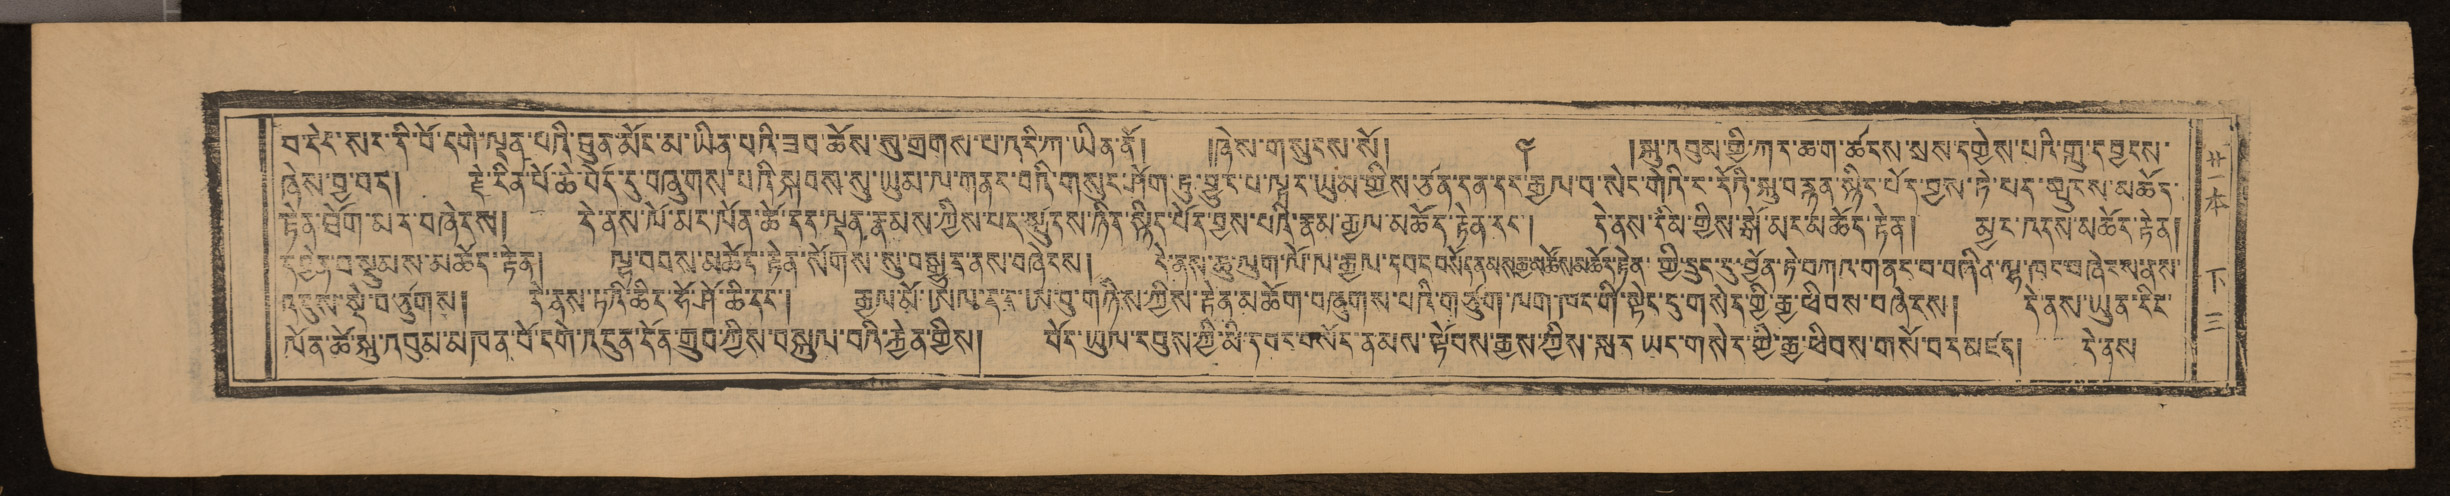བ་དེད་སང་རི་བོ་དགེ་ལྡན་པའི་ཐུན་མོང་མ་ཡིན་པའི་ཐབ་ཆོས་སུ་གྲགས་བ་འདི་ཀ་ཡིན་ནོ། ཞེས་གསུངས་སོ། ༈ །སྐུ་འབུམ་གྱི་ཀར་ཆག་ཆོ་ངས་སྲས་དགྱེས་པའི་གླུ་དབྱངས་
ཞེས་བྱ་བར། རྗེ་རིན་པོ་ཆེ་བོད་དུ་བཞུགས་པའི་སྐབས་སུ་ཡུམ་ལ་གནང་བའི་གསུང་ཤོག་ཏུ་བྱུང་བ་ལྟར་ཡུམ་གྱིས་ཙན་དན་དང་རྒྱལ་བ་སེང་གེའི་ང་རོའི་སྐུ་བརྙན་སྙིང་པོར་བྱས་ཏེ་པང་སྤུངས་མཆོད་
རྟེན་ཐོག་མར་བཞེངས། །དེ་ནས་ལོ་མང་ལོན་ཚེ་དང་ལྡན་རྣམས་ཀྱིས་པང་སྤུངས་ཉིད་སྙིང་པོར་བྱས་པའི་རྣམ་རྒྱལ་མཆོད་རྟེན་དང་། །དེ་ནས་རིམ་གྱིས་སྒོ་མང་མཆོད་རྟེན། །མྱང་འདས་མཆོད་རྟེན།
དབྱེན་བསྡུམས་མཆོད་རྟེན། ལྷ་བབས་མཆོད་རྟེན་སོགས་སུ་བསྒྱུར་ནས་བཞེངས། དེ་ནས་ཆུ་ལུག་ལོ་ལ་རྒྱལ་དབང་བསོད་ནམས་རྒྱ་མཚོས་མཆོད་རྟེན་གྱི་དྲུང་དུ་བྱོན་ཏེ་བཀའ་གནང་བ་བཞིན་ལྷ་ཁང་བཞེངས་ནས་
འདུས་སྡེ་བཙུགས། །དེ་ནས་ཏའི་ཆིང་ཧ་ཤ་ཆི་དང་། །རྒྱལ་མོ་ཨ་ལ་ངར་ཨ་བུ་གཉིས་ཀྱིས་རྟེན་མཆོག་བཞུགས་བའི་གཙུག་ལག་ཁང་གི་སྟེང་དུ་གསེར་གྱི་རྒྱ་ཕེབས་བཞེངས། དེ་ནས་ཡུན་རིང་
ལོན་ཚེ་སྐུ་འབུམ་མཁན་པོ་དགེ་འདུན་དོན་གྲུབ་ཀྱིས་བསྐུལ་བའི་རྐྱེན་གྱིས། བོད་ཡུལ་དབུས་ཀྱི་མི་དབང་བསོད་ནམས་སྟོབས་རྒྱས་ཀྱིས་སླར་ཡང་གསེར་གྱི་རྒྱ་ཕེབས་གསོ་བར་མཛད། དེ་ནས་